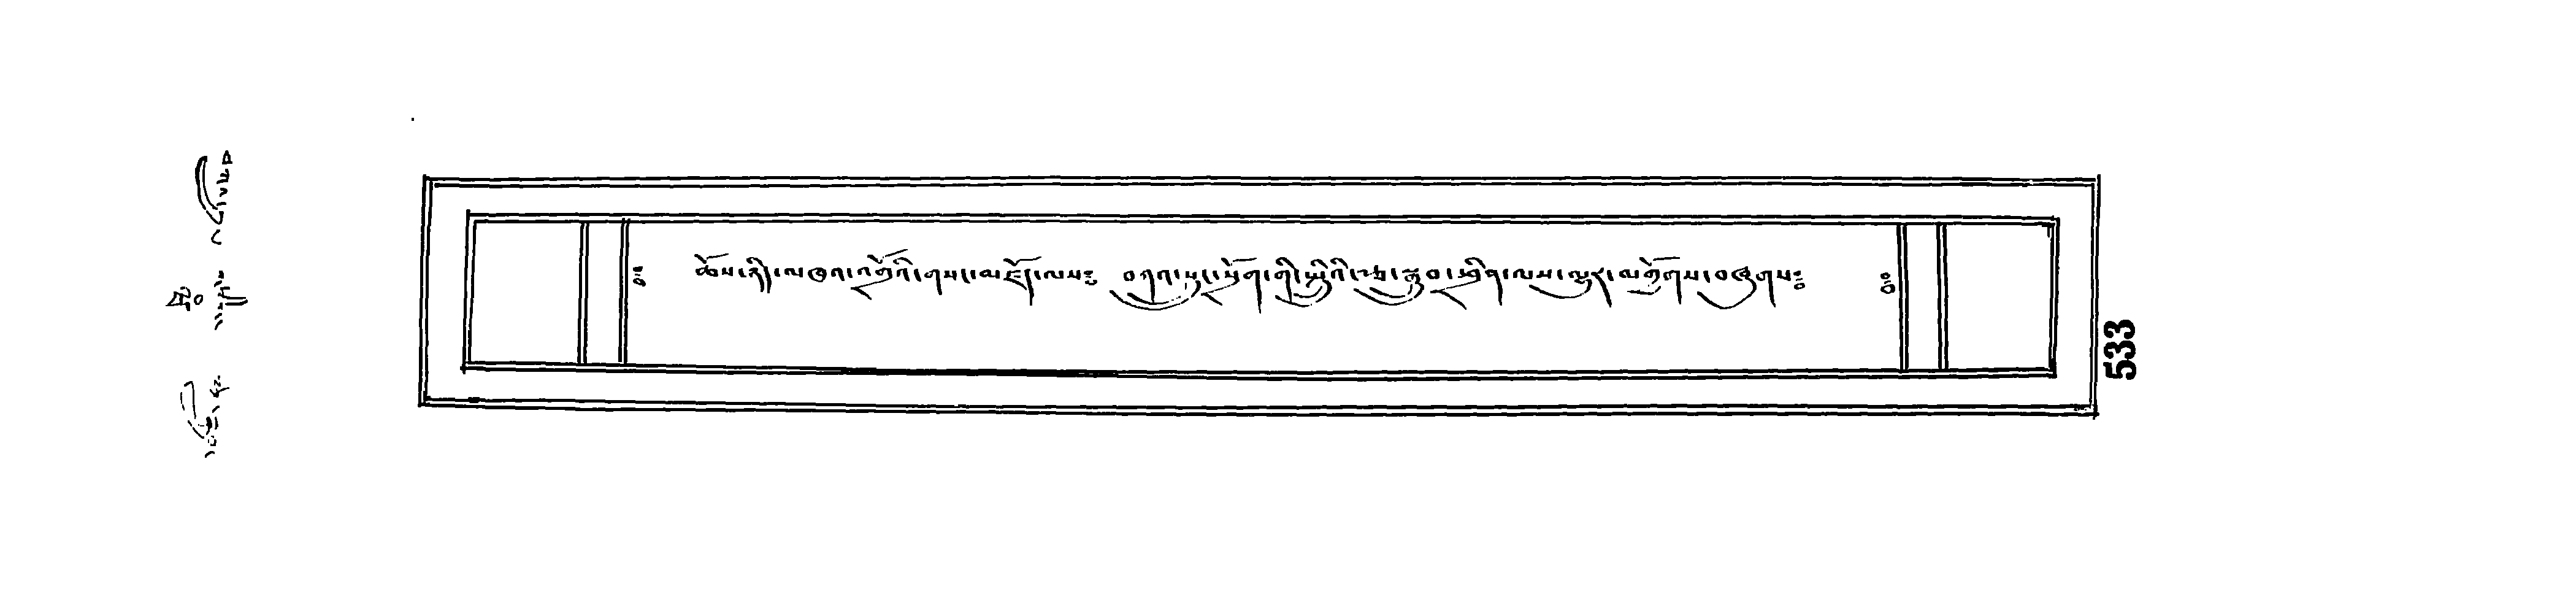ཆོས་ཉིད་མཁའ་འགྲོའི་གསང་མཛོད་ལས༔ བཀའ་སྲུང་སྲོག་གི་སྤུ་གྲིའི་རྩ་སྒྲུབ་ཕྲིན་ལས་མྱུར་མགྱོགས་བཞུགས༔